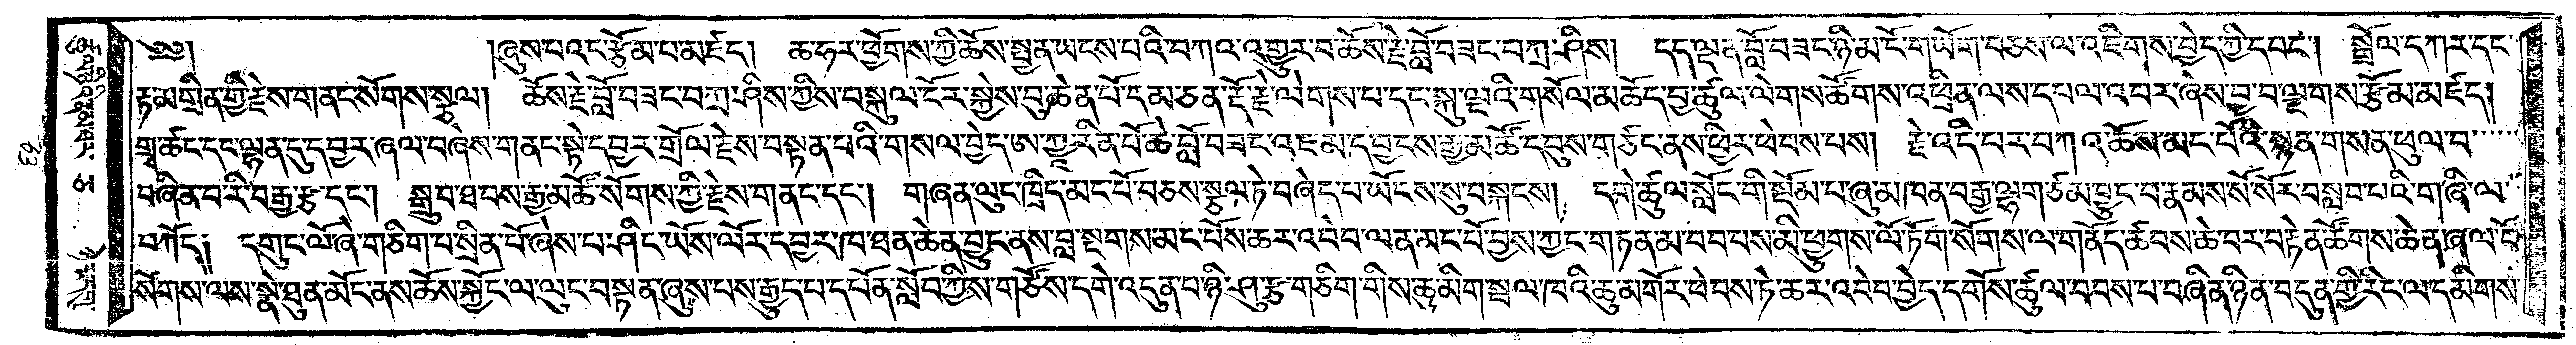༄༅། །ཞུས་པའང་རྩོམ་པ་མཛད། ཆ་ཧར་ཕྱོགས་ཀྱི་ཆོས་སྤྱན་ཡངས་པའི་བཀའ་འགྱུར་བ་ཆོས་རྗེ་བློ་བཟང་བཀྲ་ཤིས། དད་ལྡན་བློ་བཟང་ཉི་མ་ངོ་གཡོག་བཅས་ལ་འཇིགས་བྱེད་ཀྱི་དབང་། སྒྲོལ་དཀར་དང་
རྟ་མགྲིན་གྱི་རྗེས་གནང་སོགས་སྩལ། ཆོས་རྗེ་བློ་བཟང་བཀྲ་ཤིས་ཀྱིས་བསྐུལ་ངོར་སྐྱེས་བུ་ཆེན་པོ་དམ་ཅན་རྡོ་རྗེ་ལེགས་པ་དང་སྐུ་ལྔའི་གསོལ་མཆོད་བྱ་ཚུལ་ལེགས་ཚོགས་འཕྲིན་ལས་དཔལ་འབར་ཞེས་བྱ་བ་ལྗགས་རྩོམ་མཛད།
གྲྭ་ཚང་དང་ལྷན་དུ་དབྱར་ཞལ་བཞེས་གནང་སྟེ་དབྱར་གྲོལ་རྗེས་བསྟན་པའི་གསལ་བྱེད་ཨ་ཀྱཱ་རིན་པོ་ཆེ་བློ་བཟང་འཇམ་དབྱངས་རྒྱ་མཚོ་དབུས་གཙང་ནས་ཕྱིར་ཕེབས་པས། རྗེ་འདི་བར་བཀའ་ཆོས་མང་པོའི་སྙན་གསན་ཕུལ་བ་
བཞིན་བ་རི་བརྒྱ་རྩ་དང་། སྒྲུབ་ཐབས་རྒྱ་མཚོ་སོགས་ཀྱི་རྗེས་གནང་དང་། གཞན་ལུང་ཁྲིད་མང་པོ་བཅས་སྩལ་ཏེ་བཞེད་པ་ཡོངས་སུ་བསྐངས། དགེ་ཚུལ་སློང་གི་སྡོམ་པ་ཞུ་མཁན་བརྒྱ་ལྷག་ཙམ་བྱུང་བ་རྣམས་སོ་སོར་བསླབ་པའི་གཞི་ལ་
བཀོད༑ དགུང་ལོ་ཞེ་གཅིག་པ་སྲིན་པོ་ཞེས་པ་ཤིང་ཡོས་ལོར་དཔྱར་ཁ་ཐན་ཆེན་བྱུང་ནས་བླ་སྔགས་མང་པོས་ཆར་འབེབ་ལན་མང་པོ་བྱས་ཀྱང་གཏན་མ་བབ་པས་མི་ཕྱུགས་ལོ་ཏོག་སོགས་ལ་གནོད་ཚབས་ཆེ་བར་བརྟེན་ཚོགས་ཆེན་ཞལ་ངོ་
སོགས་ལས་སྣེ་ཐུན་མོང་ནས་ཆོས་སྐྱོང་ལ་ལུང་བསྟན་ཞུས་པས་རྒྱུད་པ་དཔོན་སློབ་ཀྱིས་གཙོས་དགེ་འདུན་པ་ཉི་ཤུ་རྩ་གཅིག་གིས་ཆུ་མིག་སྦལ་ཁའི་ཆུ་མགོར་ཕེབས་ཏེ་ཆར་འབེབ་བྱེད་དགོས་ཚུལ་བབས་པ་བཞིན་ཉིན་བདུན་གྱི་རིང་ལ་དམིགས་